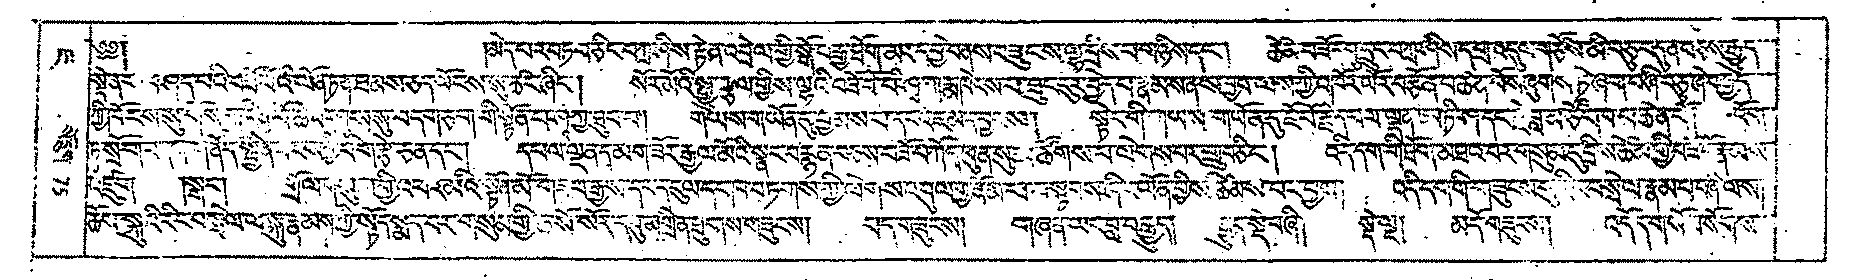༄༅། །མེད་པར་བཏབ་ཅིང་བཀྲ་ཤིས་རྟེན་འབྲེལ་གྱི་སྒོ་བརྒྱ་ཐོག་མར་དབྱེ་བ་ནས་བཟུངས་ལྷ་བྲིས་པ་གཉིས་དང་། ཚེམ་བཟོད་པུ་དྲུང་བཀྲ་ཤིས་དགྲ་འདུལ་གཙོས་མི་བཅུ་བདུན་བཅས་རྒྱུད་
སྡེ་ནས་བཤད་པའི་བཟོ་བོའི་ཡོན་ཏན་ཐམས་ཅད་ཡོངས་སུ་ཚང་ཞིང་། སོར་མོའི་སྒྱུ་རྩལ་གྱིས་ལྷའི་བཟོ་བོ་བི་ཤྭ་ཀརྨ་ཁེངས་པ་ཐུང་ངུར་བྱེད་པ་རྣམས་ནས་བྱ་བ་ལས་ཀྱི་འཁོར་ལོར་བརྩོན་པ་ཆེན་པོས་ཞུགས་ཏེ་ཞག་བཞི་བཅུ་ཞེ་བརྒྱད་
ཀྱི་ཁོངས་སུ་གོས་སྐུ་རིན་པོ་ཆེའི་དབུས་སུ་བདག་ཅག་གི་སྟོན་པ་ཤཱ་ཀྱ་ཐུབ་པ། གཡས་གཡོན་དུ་བྱམས་པ་དང་འཇམ་དབྱངས། སྟེང་གི་གཡས་གཡོན་དུ་ཇོ་བོ་རྗེ་དཔལ་ལྡན་ཨ་ཏི་ཤ་དང་རྗེ་བླ་མ་ཙོང་ཁ་པ་ཆེན་པོ། འོག་
ཏུ་སྲོག་བདག་གནོད་སྦྱིན་ཟངས་ཀྱི་བགེ་རྩེ་ཅན་དང་། དཔལ་ལྡན་དམག་ཟོར་རྒྱལ་མོའི་སྣང་བརྙན་བཅས་བཟོ་བཀོད་ཕུན་སུམ་ཚོགས་པ་ལེགས་པར་གྲུབ་ཅིང་། འདི་དག་གི་ཐོག་མཐའ་བར་གསུམ་དུ་བྲིས་ཚེམ་གྱི་བཟོ་བོ་རྣམས་
འཛུག །སྒང་། གྲོལ་གསུམ་གྱི་འཕར་མའི་སྟོན་མོ་གཟབ་རྒྱས་དང་དངུལ་དང་ཁ་བཏགས་ཀྱི་ལེགས་འབུལ་གྱ་ནོམ་པ་བསྟབས་ཤིང་ཡོན་གྱིས་ཚིམས་པར་བྱས། འདི་དག་གི་གཟུངས་སུ་རིང་བསྲེལ་རྣམ་པ་བཞི་ལས།
ཆོས་སྐུའི་རིང་བསྲེལ་ལ་སྐུ་རྣམས་ཀྱི་སྟོད་སྨད་པར་གསུམ་གྱི་ཆ་སོ་སོར་དབུ་མགྲིན་ཐུགས་གཟུངས། པད་གཟུངས། གཞན་ཡང་བླ་བརྒྱུད། རྒྱུད་སྡེ་བཞི། སྡེ་ལྔ། མདོ་གཟུངས། འདོད་གསོལ་སོགས་